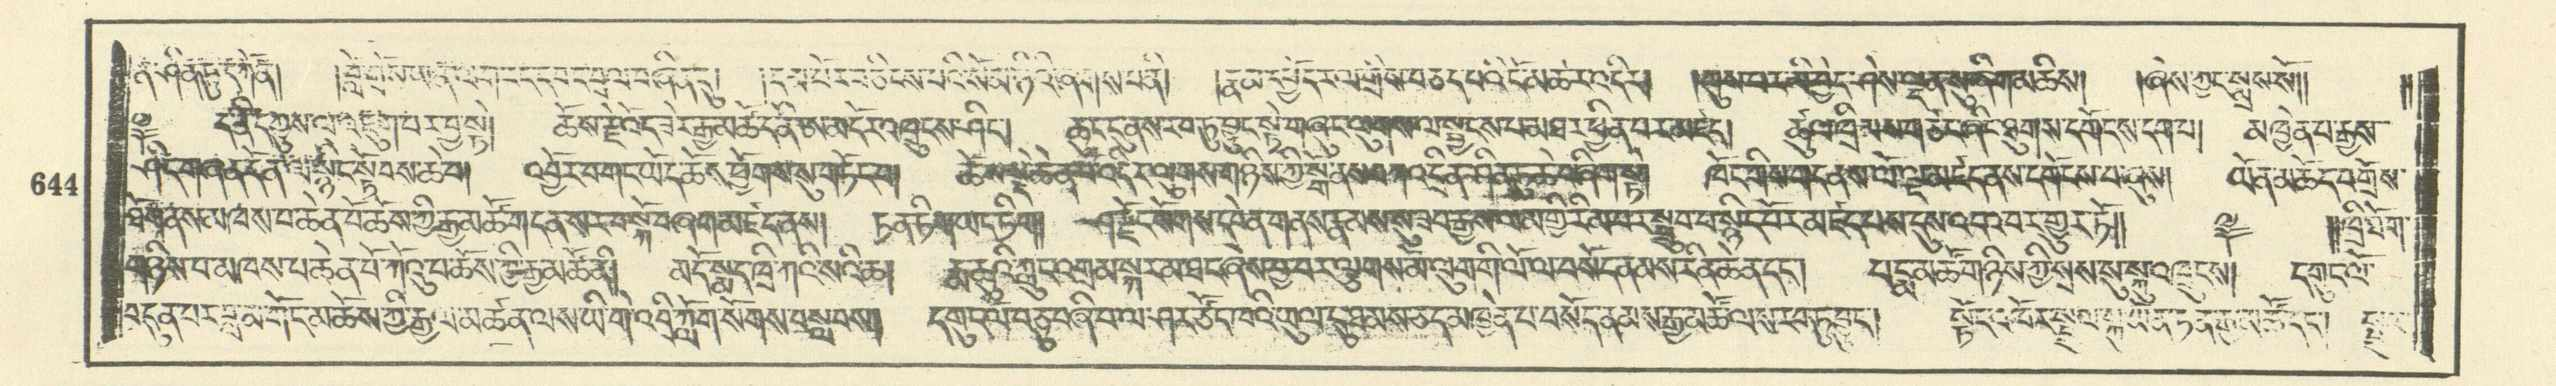ན་ཤིན་ཏུ་དཀོན། །བློ་གྲོས་ཡན་ལག་རང་དབང་བྲལ་བཞིན་དུ། །དམ་པོར་བཅིངས་པའི་སོམ་ཉིའི་ཞགས་པ་ནི། །རྣམ་དཔྱོད་རལ་གྲིས་བཅད་པའི་ངོ་མཚར་འདིར། །གུས་པར་མི་བྱེད་ཤེས་ལྡན་སུ་ཞིག་མཆིས། །ཞེས་ཀྱང་སྨྲས་སོ།། །།
༈ ད་ནི་དཀྱུས་ལ་འཇུག་པར་བྱ་སྟེ། ཆོས་རྗེ་འོད་ཟེར་རྒྱ་མཚོ་དེ་ནི་ཨ་མདོར་འཁྲུངས་ཤིང་། ཆུང་དུ་ནས་རབ་ཏུ་བྱུང་སྟེ་གཞུང་ལུགས་ལ་སྦྱངས་པ་མཐར་ཕྱིན་པར་མཛད། ཚུལ་ཁྲིམས་གཙང་ཞིང་ཐུགས་དགོངས་དག་པ། མཁྱེན་པ་རྒྱས་
ཤིང་གཞན་དོན་ལ་སྙིང་སྟོབས་ཆེ་བ། འབྱོར་བ་གང་ཡོད་ཆོས་ཕྱོགས་སུ་གཏོང་བ། ཆོས་སྡེ་ཆེན་པོ་འདིར་ལུགས་གཉིས་ཀྱི་སྒོ་ནས་བཀའ་དྲིན་ཤིན་ཏུ་ཆེ་བ་ཞིག་སྟེ། ཁོང་གིས་གདན་ས་ལོ་ལྔ་མཛད་ནས་དགོངས་པ་ཞུས། ཡོན་མཆོད་བགྲོས་
ཐོག་ནས་མཁས་བ་ཆེན་པོ་ཆོས་ཀྱི་རྒྱ་མཚོ་གདན་སར་བསྐོ་བཞག་མཛད་ནས། ཏན་ཏིག་ཡང་ཏིག། ཤ་རྫོང་སོགས་དབེན་གནས་རྣམས་སུ་ཟབ་རྒྱས་ལམ་གྱི་རིམ་པར་སྒྲུབ་པ་སྙིང་བོར་མཛད་པས་དུས་འདའ་བར་གྱུར་ཏོ།། ༈ །།ཁྲི་ཐོག་
གཉིས་པ་མཁས་པ་ཆེན་པོ་ཀོའུ་པ་ཆོས་ཀྱི་རྒྱ་མཚོ་ནི། མདོ་སྨད་ཁྲི་ཀའི་སའི་ཆ། རྨ་ཆུའི་ཀླུང་འགྲམ་སྐར་མ་ཐང་ཞེས་བྱ་བར་ལྕགས་མོ་ལུག་གི་ལོ་ལ་བསོད་ནམས་རིན་ཆེན་དང་། པདམ་མཚོ་གཉིས་ཀྱི་སྲས་སུ་སྐུ་འཁྲུངས། དགུང་ལོ་
བདུན་པར་བླ་མ་གོང་མ་ཆོས་ཀྱི་རྒྱལ་མཚན་ལས་ཡི་གེ་འབྲི་ཀློག་སོགས་བསླབས། དགུང་ལོ་བཅུ་བཞི་པ་ལ་ཤར་ཙོང་ཁའི་ཡུལ་དུ་ཐམས་ཅད་མཁྱེན་པ་བསོད་ནམས་རྒྱ་མཚོ་ལས་རབ་ཏུ་བྱུང་། སྟོང་འཁོར་སྤྲུལ་སྐུ་ཡོན་ཏན་རྒྱ་མཚོ་དང་། སྤྲུལ་